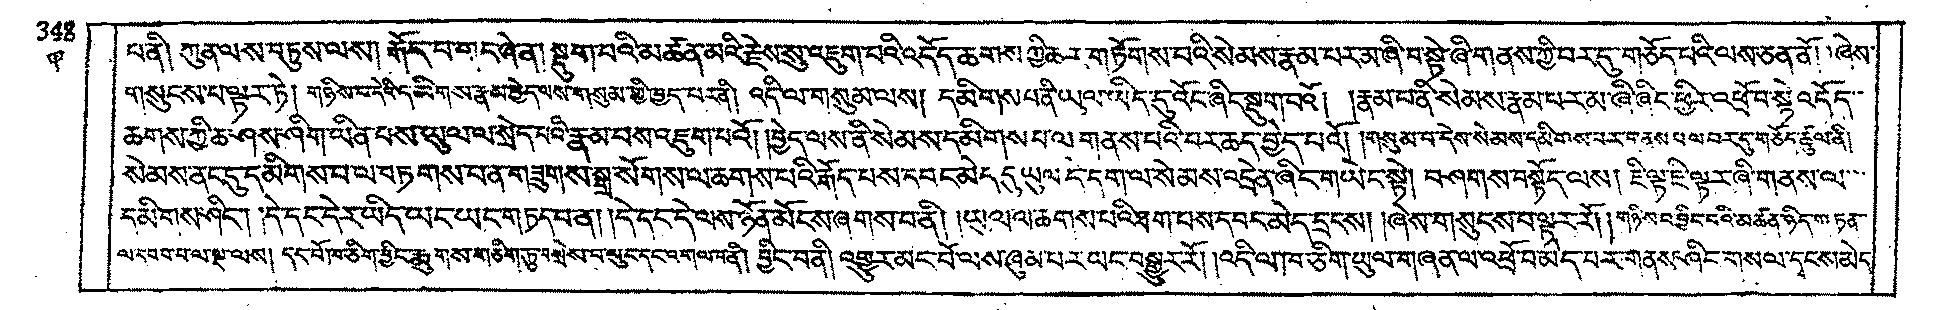པ་ནི། ཀུན་ལས་བཏུས་ལས། རྒོད་པ་གང་ཞེ་ན། སྡུག་པའི་མཚན་མའི་རྗེས་སུ་འཇུག་པའི་འདོད་ཆགས་ཀྱི་ཆར་གཏོགས་པའི་སེམས་རྣམ་པར་མ་ཞི་བ་སྟེ་ཞི་གནས་ཀྱི་བར་དུ་གཅོད་པའི་ལས་ཅན་ནོ། །ཞེས་
གསུངས་པ་ལྟར་ཏེ། གཉིས་པ་དེའི་དམིགས་རྣམ་བྱེད་ལས་གསུམ་གྱི་ཁྱད་པར་ནི་འདི་ལ་གསུམ་ལས། དམིགས་པ་ནི་ཡུལ་ཡིད་དུ་འོང་ཞིང་སྡུག་པའོ། །རྣམ་པ་ནི་སེམས་རྣམ་པར་མ་ཞི་ཞིང་ཕྱིར་འཕྲོ་བ་སྟེ་འདོད་
ཆགས་ཀྱི་ཆ་ཤས་ཤིག་ཡིན་པས་ཡུལ་ལ་སྲེད་པའི་རྣམ་པས་འཇུག་པའོ། །བྱེད་ལས་ནི་སེམས་དམིགས་པ་ལ་གནས་པའི་བར་ཆད་བྱེད་པའོ། །གསུམ་པ་དེས་སེམས་དམིགས་པར་གནས་པ་ལ་བར་དུ་གཅོད་ཚུལ་ནི།
སེམས་ནང་དུ་དམིགས་པ་ལ་བཏགས་པ་ན་གཟུགས་སྒྲ་སོགས་ལ་ཆགས་པའི་རྒོད་པས་དབང་མེད་དུ་ཡུལ་དེ་དག་ལ་སེམས་འདྲེན་ཞིང་གཡེང་སྟེ། བཤགས་བསྟོད་ལས། ཇི་ལྟ་ཇི་ལྟར་ཞི་གནས་ལ་
དམིགས་ཤིང་། །དེ་དང་དེར་ཡིད་ཡང་ཡང་གཏད་པ་ན། །དེ་དང་དེ་ལས་ཉོན་མོངས་ཞགས་བ་ནི། །ཡུལ་ལ་ཆགས་པའི་ཐག་པས་དབང་མེད་དྲངས། །ཞེས་གསུངས་པ་ལྟར་རོ། །གཉིས་པ་བྱིང་བའི་མཚན་ཉིད་གཏན་
ལ་དབབ་པ་ལ་ལྔ་ལས། དང་པོ་ཁ་ཅིག་བྱིང་རྨུགས་གཅིག་ཏུ་བསྲེས་པ་ལུང་དང་འགལ་བ་ནི། བྱིང་བ་ནི། འགྱུར་མང་པོ་ལས་ཞུམ་པར་ཡང་བསྒྱུར་རོ། །འདི་ལ་ཁ་ཅིག་ཡུལ་གཞན་ལ་འཕྲོ་བ་མེད་པར་གནས་ཤིང་གསལ་དྭངས་མེད་